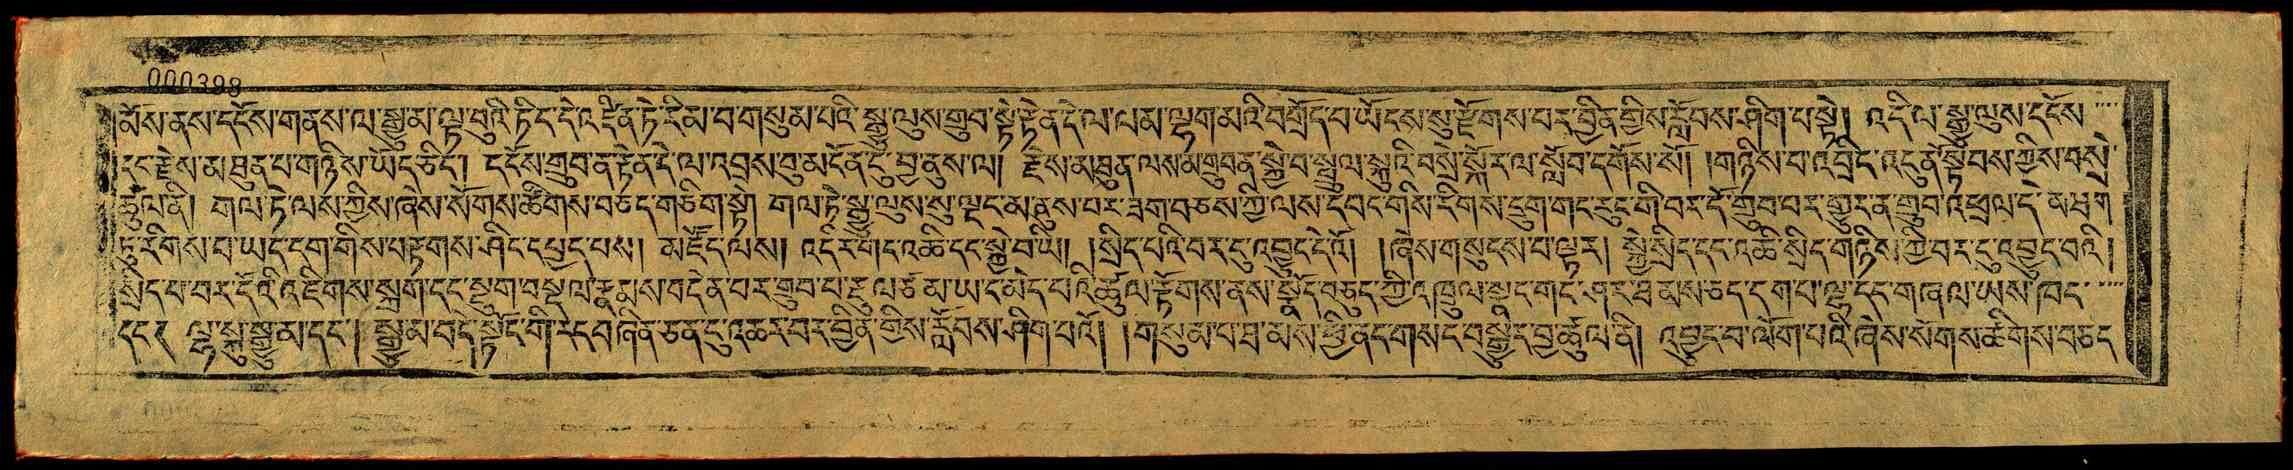མོས་ནས་དངོས་གནས་ལ་སྒྱུ་མ་ལྟ་བུའི་ཏིང་ངེ་འཛིན་ཏེ་རིམ་པ་གསུམ་པའི་སྒྱུ་ལུས་གྲུབ་སྟེ་རྟེན་དེ་ལ་ལམ་ལྷག་མའི་བགྲོད་པ་ཡོངས་སུ་རྫོགས་པར་བྱིན་གྱིས་རློབས་ཤིག་པ་སྟེ། འདི་ལ་སྒྱུ་ལུས་དངོས་
དང་རྗེས་མཐུན་པ་གཉིས་ཡོད་ཅིང་། དངོས་གྲུབ་ནི་རྟེན་དེ་ལ་འབྲས་བུ་མངོན་དུ་བྱ་ནུས་ལ། རྗེས་མཐུན་ལས་མ་གྲུབ་ན་སྐྱེ་བ་སྤྲུལ་སྐུའི་བསྲེ་སྐོར་ལ་སློབ་དགོས་སོ། །གཉིས་པ་འབྲིང་འདུན་སྟོབས་ཀྱིས་བསྲེ་
ཚུལ་ནི། གལ་ཏེ་ལས་ཀྱིས་ཞེས་སོགས་ཚིགས་བཅད་གཅིག་སྟེ། གལ་ཏེ་སྒྱུ་ལུས་སུ་ལྡང་མ་ནུས་པར་ཟག་བཅས་ཀྱི་ལས་དབང་གིས་རིགས་དྲུག་གང་རུང་གི་བར་དོ་གྲུབ་པར་གྱུར་ན་གྲུབ་འཕྲལ་དེ་མ་ཐག་
ཏུ་རིགས་པ་ཡང་དག་གིས་བརྟགས་ཤིང་དཔྱད་པས། མཛོད་ལས། འདིར་གང་འཆི་དང་སྐྱེ་བ་ཡི། །སྲིད་པའི་གང་དུ་འབྱུང་དེའོ། །ཞེས་གསུངས་པ་ལྟར། སྐྱེ་སྲིད་དང་འཆི་སྲིད་གཉིས་ཀྱི་བར་དུ་འབྱུང་བའི་
སྲིད་པ་བར་དོའི་འཇིགས་སྐྲག་དང་སྡུག་བསྔལ་རྣམས་བདེན་པར་གྲུབ་པ་རྡུལ་ཙམ་ཡང་མེད་པའི་ཚུལ་རྟོགས་ནས་སྣོད་བཅུད་ཀྱི་འཁྲུལ་སྣང་གང་ཤར་ཐམས་ཅད་དག་པ་ལྷ་དང་གཞལ་ཡས་ཁང་
དང་། ལྷ་སྐུ་སྒྱུ་མ་དང་། སྒྱུ་མ་བདེ་སྟོང་གི་རང་བཞིན་ཅན་དུ་འཆར་བར་བྱིན་གྱིས་རློབས་ཤིག་པའོ། །གསུམ་པ་ཐ་མས་ཕྱི་ནང་གསང་བསྒྱུར་བྱ་ཚུལ་ནི། འབྱུང་བ་ལོག་པའི་ཞེས་སོགས་ཚིགས་བཅད་